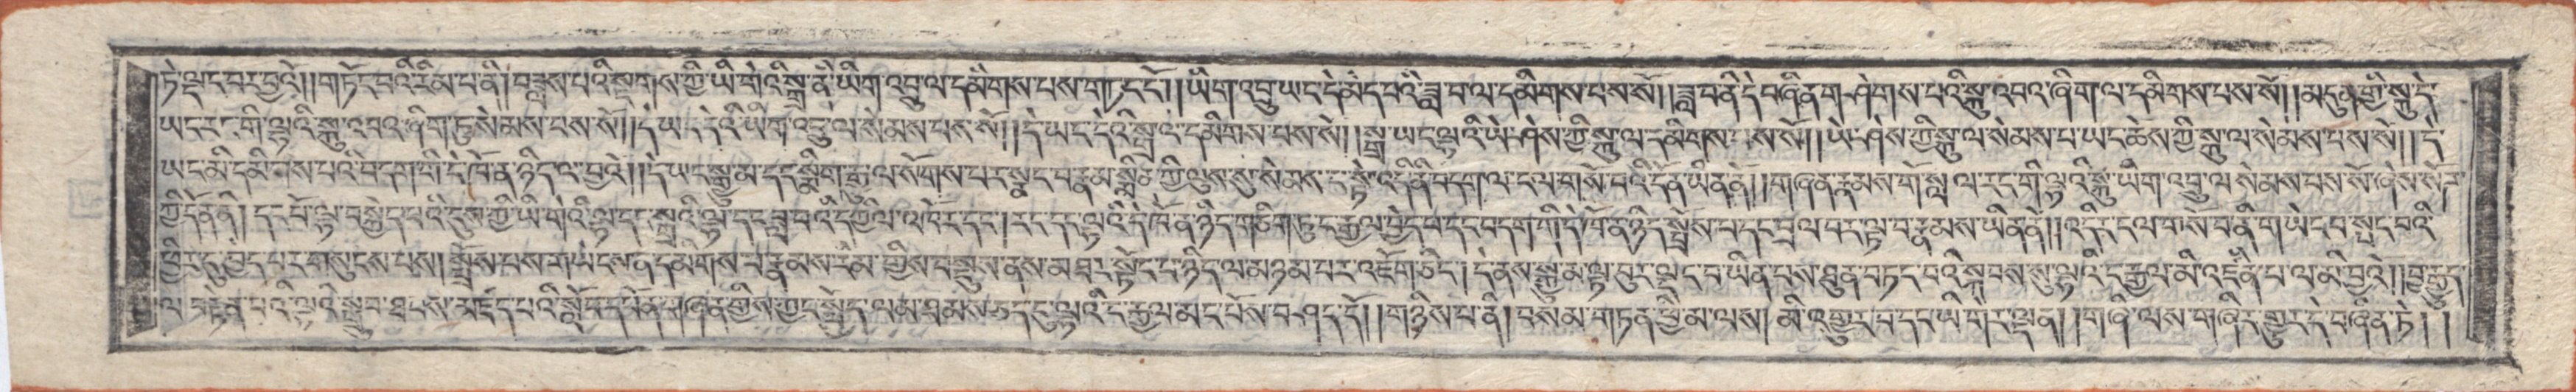ཏེ་ལྡང་བར་བྱའོ། །གཏོང་བའི་རིམ་པ་ནི། བཟླས་པའི་སྔགས་ཀྱི་ཡི་གེའི་སྒྲ་ནི་ཡིག་འབྲུ་ལ་དམིགས་པས་གཏང་ངོ། །ཡིག་འབྲུ་ཡང་དེ་མེད་པའི་ཟླ་བ་ལ་དམིགས་པས་སོ། །ཟླ་བ་ནི་དེ་བཞིན་གཤེགས་པའི་སྐུ་འབའ་ཞིག་ལ་དམིགས་པས་སོ། །མདུན་གྱི་སྐུ་དེ་
ཡང་རང་གི་ལྷའི་སྐུ་འབའ་ཞིག་ཏུ་སེམས་པས་སོ། །དེ་ཡང་དེའི་ཡིག་འབྲུ་ལ་སེམས་པས་སོ། །དེ་ཡང་དེའི་སྒྲ་ལ་དམིགས་པས་སོ། །སྒྲ་ཡང་ལྷའི་ཡེ་ཤེས་ཀྱི་སྐུ་ལ་དམིགས་པས་སོ། །ཡེ་ཤེས་ཀྱི་སྐུ་ལ་སེམས་པ་ཡང་ཆོས་ཀྱི་སྐུ་ལ་སེམས་པས་སོ། །དེ་
ཡང་མི་དམིགས་པའི་བདག་གི་དེ་ཁོ་ན་ཉིད་ལ་བྱའོ། །དེ་ཡང་སྒྱུ་མ་དང་སྨིག་རྒྱུ་ལ་སོགས་པར་སྣང་བ་རྣམ་སྨིན་གྱི་ལུས་སུ་སེམས་པ་སྟེ་འདི་ནི་བདག་ལ་ངལ་གསོ་བའི་དོན་ཡིན་ནོ། །གཞན་རྣམས་གོ་སླ་ལ་རང་གི་ལྷའི་སྐུ་ཡིག་འབྲུ་ལ་སེམས་པས་སོ་ཞེས་སོགས་
ཀྱི་དོན་ནི། དང་པོ་ལྷ་བསྐྱེད་པའི་དུས་ཀྱི་ཡི་གེའི་ལྷ་དང་སྒྲའི་ལྷ་དང་ཟླ་བའི་དཀྱིལ་འཁོར་དང་། རང་དང་ལྷའི་དེ་ཁོ་ན་ཉིད་གཅིག་ཏུ་ང་རྒྱལ་བྱེད་པ་དང་བདག་གི་དེ་ཁོ་ན་ཉིད་སྤྲོས་པ་དང་བྲལ་བར་ལྟ་བ་རྣམས་ཡིན་ནོ། །འདིར་ངལ་གསོ་བ་ནི་གཡེང་བ་སྤང་བའི་
ཕྱིར་དུ་བྱེད་པར་གསུངས་པས། སྤྲོས་པས་གཡེངས་ན་དམིགས་པ་རྣམས་རིམ་གྱིས་བསྡུས་ནས་མཐར་སྟོང་པ་ཉིད་ལ་མཉམ་པར་འཇོག་ཅིང་། དེ་ནས་སྒྱུ་མ་ལྟ་བུར་ལྡང་བ་ཡིན་པས་ཐུན་བཏང་བའི་སྐབས་སུ་ལྷའི་ང་རྒྱལ་མི་འཛིན་པ་ལ་མི་བྱའོ། །བྱ་རྒྱུད་
ལ་བརྟེན་པའི་ལྷའི་སྒྲུབ་ཐབས་མཛད་པའི་སློབ་དཔོན་གཞན་གྱིས་ཀྱང་སྤྱོད་ལམ་ཐམས་ཅད་དུ་ལྷའི་ང་རྒྱལ་མང་པོས་བཤད་དོ། །གཉིས་པ་ནི། བསམ་གཏན་ཕྱི་མ་ལས། མི་འགྱུར་བ་དང་ཡི་གེར་ལྡན། །གཞི་ལས་གཞིར་གྱུར་དེ་བཞིན་ཏེ།